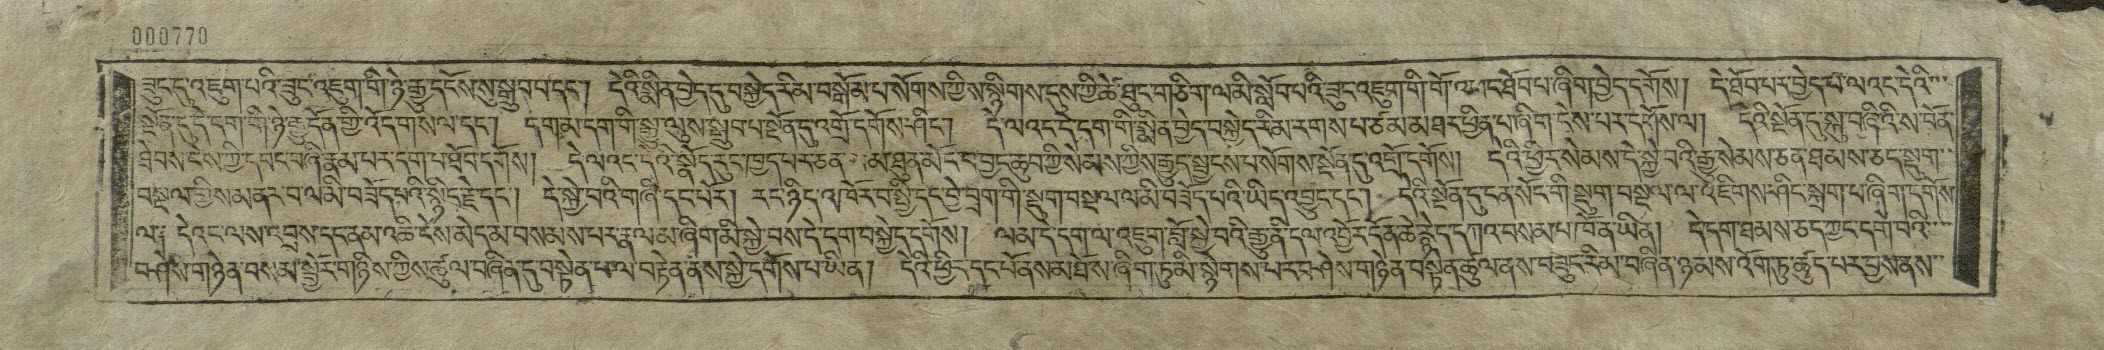ཟུང་དུ་འཇུག་པའི་ཟུང་འཇུག་གི་ཉེ་རྒྱུ་དངོས་སུ་སྒྲུབ་པ་དང་། དེའི་སྨིན་བྱེད་དུ་བསྐྱེད་རིམ་བསྒོམ་པ་སོགས་ཀྱིས་སྙིགས་དུས་ཀྱི་ཚེ་ཐུང་གཅིག་ལ་མི་སློབ་པའི་ཟུང་འཇུག་གི་གོ་འཕང་ཐོབ་པ་ཞིག་བྱེད་དགོས། དེ་ཐོབ་པར་བྱེད་པ་ལའང་དེའི་
སྔོན་དུ་དེ་དག་གི་ཉེ་རྒྱུ་དོན་གྱི་འོད་གསལ་དང་། དག་མ་དག་གི་སྒྱུ་ལུས་སྒྲུབ་པ་སྔོན་དུ་འགྲོ་དགོས་ཤིང་། དེ་ལའང་དེ་དག་གི་སྨིན་བྱེད་བསྐྱེད་རིམ་རགས་པ་ཙམ་མཐར་ཕྱིན་པ་ཞིག་ངེས་པར་དགོས་ལ། དེའི་སྔོན་དུ་སྐུ་བཞིའི་ས་བོན་
ཐེབས་ངེས་ཀྱི་དབང་བཞི་རྣམ་པར་དག་པ་ཐོབ་དགོས། དེ་ལའང་དེའི་སྣོད་རུང་ཁྱད་པར་ཅན་ལམ་ཐུན་མོང་བ་བྱང་ཆུབ་ཀྱི་སེམས་ཀྱིས་རྒྱུད་སྦྱངས་པ་སོགས་སྔོན་དུ་འགྲོ་དགོས། དེའི་ཕྱིར་སེམས་དེ་སྐྱེ་བའི་རྒྱུ་སེམས་ཅན་ཐམས་ཅད་སྡུག་
བསྔལ་གྱིས་མནར་བ་ལ་མི་བཟོད་པའི་སྙིང་རྗེ་དང་། དེ་སྐྱེ་བའི་གཞི་དང་པོར། རང་ཉིད་འཁོར་བ་སྤྱི་དང་བྱེ་བྲག་གི་སྡུག་བསྔལ་ལ་མི་བཟོད་པའི་ཡིད་འབྱུང་དང་། དེའི་སྔོན་དུ་ངན་སོང་གི་སྡུག་བསྔལ་ལ་འཇིགས་ཤིང་སྐྲག་པ་ཞིག་དགོས་
ལ༑ དེའང་ལས་འབྲས་དང་ནམ་འཆི་ངེས་མེད་མ་བསམས་པར་རྣལ་མ་ཞིག་མི་སྐྱེ་བས་དེ་དག་བསྐྱེད་དགོས། ལམ་དེ་དག་ལ་འཇུག་བློ་སྐྱེ་བའི་རྒྱུ་ནི་དལ་འབྱོར་དོན་ཆེ་རྙེད་དཀའ་བསམ་པ་ཁོ་ན་ཡིན། དེ་དག་ཐམས་ཅད་ཀྱང་དགེ་བའི་
བཤེས་གཉེན་བསམ་སྦྱོར་གཉིས་ཀྱིས་ཚུལ་བཞིན་དུ་བསྟེན་པ་ལ་བརྟེན་ནས་སྐྱེ་དགོས་པ་ཡིན། དེའི་ཕྱིར་དང་པོ་ནས་མཐོ་ས་ཞིག་ཏུ་མི་སྙེགས་པར་བཤེས་གཉེན་བསྟེན་ཚུལ་ནས་བཟུང་རིམ་བཞིན་ཉམས་འོག་ཏུ་ཚུད་པར་བྱས་ནས་